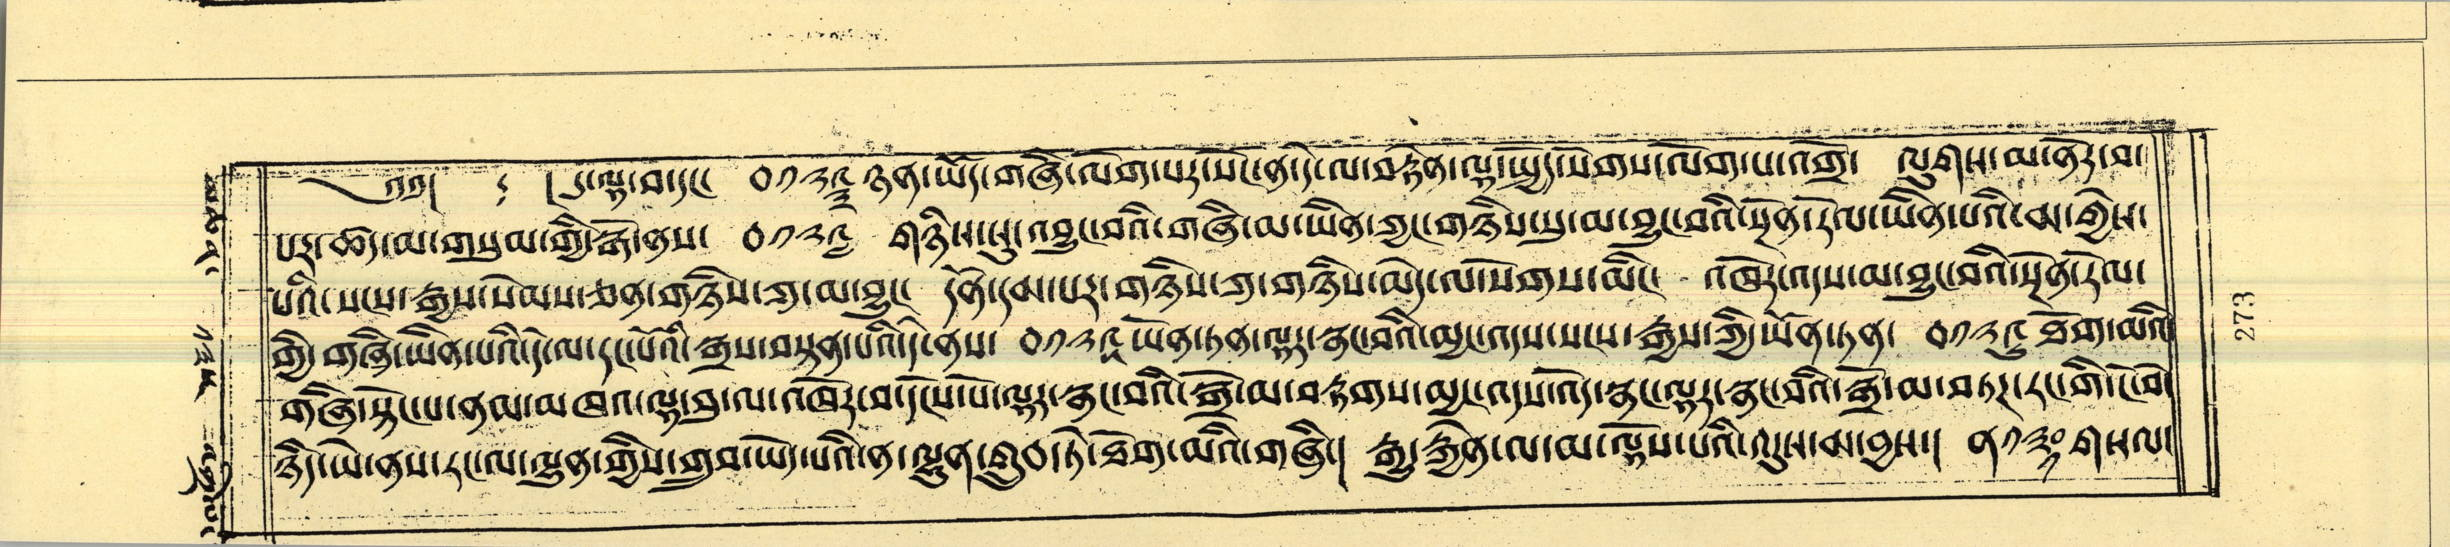དུ་ལྟ་བ་དང། བ༡༢༩།༣ ཉན་ཡོད་གཞི་ལོག་པར་སོང་ན་དེ་ལ་བརྟེན་ལྟ་སྤྱོད་སོགས་ལོག་པ་འགྲོ། ལུགས་མ་ནོར་བ་
པར་ཚད་མ་གསུམ་གྱི་སྒོ་ནས། བ༡༢༩།༤ གཉིས་སུ་འབྱུང་བའི་གཞི་མ་ཡིན་ཀྱང་གཉིས་སུ་མ་བྱུང་བའི་སྔོན་རོལ་ཡིན་པའི་ མ་གྱེས་
པའི་སངས་རྒྱས་སེམས་ཅན་གཉིས་ཀ་མ་བྱུང། དོན་དམ་པར་གཉིས་ཀ་གཉིས་མེད་ལ་སོགས་མིང་། འཁོར་འདས་མ་བྱུང་བའི་སྔོན་རོལ་
གྱི་གཞི་ཡིན་པའི་དེ་ལ་དང་པོའི་སྒྲས་བསྟན་པའི་དེ་ནས་ བ༡༢༩།༥ ཡོན་ཏན་ལྟར་སྣང་བའི་མྱང་འདས་སངས་རྒྱས་ཀྱི་ཡོན་ཏན་ བ༡༢༩།༦ ཐོག་མའི་
གཞི་སྟོང་ནམ་མཁའ་ལྟ་བུ་ལ་འཁོར་བ་དངོས་པོ་ལྟར་སྣང་བའི་སྒྲོ་མ་བརྟགས་མྱང་འདས་འོད་སྣང་ལྟར་སྣང་བའི་སྒྲོ་མ་བཏགས་རང་གི་ངོ་བོ་
ཉིད་ཡེ་ནས་རང་ལ་ལྷུན་གྱིས་གྲུབ་ཡོད་པའི་ན་ལྷུན་གྲུབ་ཏེ་ཐོག་མའི་གཞི། རྒྱུ་རྐྱེན་ལ་མ་ལྟོས་པའི་ འདུས་མ་བྱས་ ན༡༣༠།༡ གསལ་